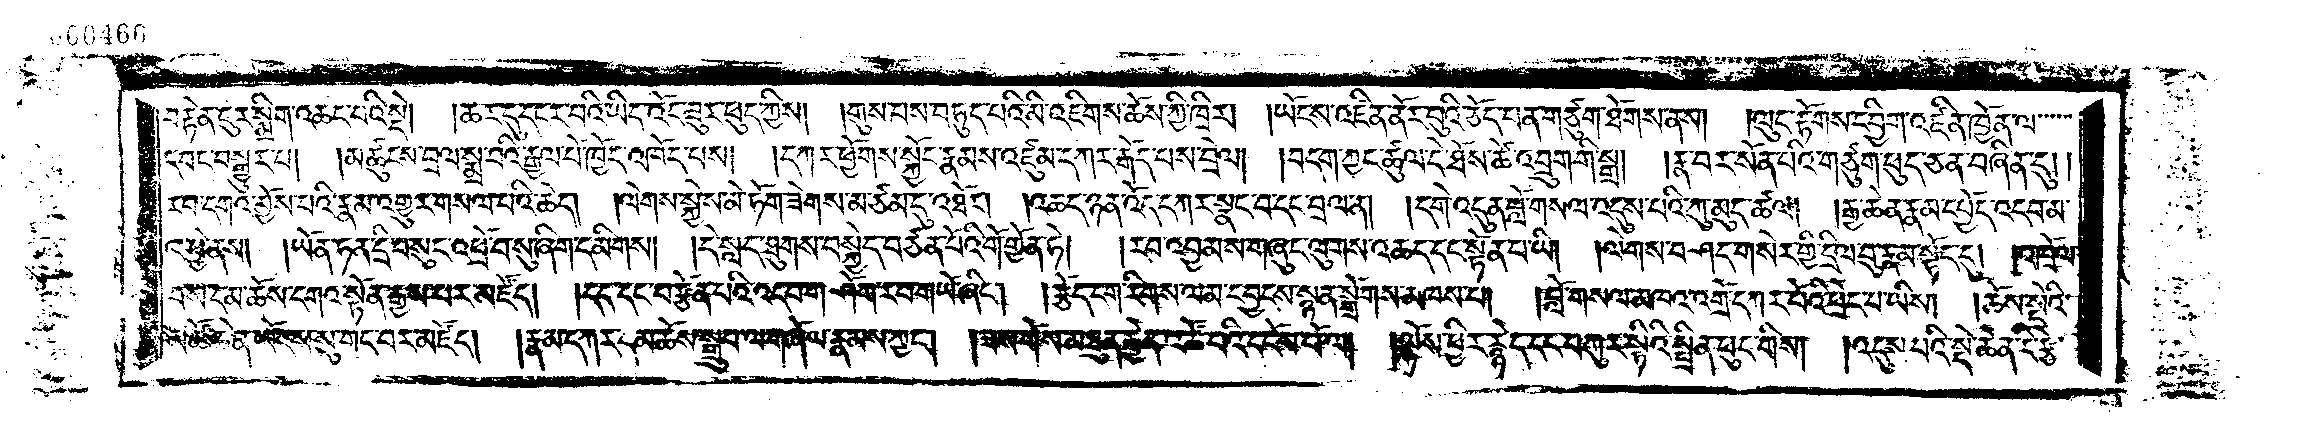བརྟེན་དུར་སྨྲིག་འཆང་བའི་སྡེ། །ཆར་དུ་དངར་བའི་ཡིད་འོང་ཟུར་ཕུད་ཀྱིས། །གུས་པས་བཏུད་པའི་མི་འཇིགས་ཆོས་ཀྱི་ཁྲིར། །ཡོངས་འཛིན་ནོར་བུའི་ཅོད་པན་གཙུག་ཐོགས་ནས། །ལུང་རྟོགས་དབྱིག་འཛིན་ཁྱོན་ལ་
དབང་བསྒྱུར་པ། །མཚུངས་བྲལ་སྨྲ་བའི་རྒྱལ་པོ་ཁྱོད་འཁོད་པས། །དཀར་ཕྱོགས་སྐྱོང་རྣམས་འཛུམ་དཀར་རྒོད་པས་བྲེལ། །བདག་ཀྱང་ཚུལ་དེ་ཐོས་ཚེ་འབྲུག་གི་སྒྲ། །རྣ་བར་སོན་པའི་གཙུག་ཕུད་ཅན་བཞིན་དུ། །
རབ་དགའ་མྱོས་པའི་རྣམ་འགྱུར་གསལ་བའི་ཆེད། །ལེགས་སྐྱེས་མེ་ཏོག་ཟེགས་མ་ཙམ་དུ་འཐོར། །འཆད་ཉན་འོད་དཀར་སྣང་བ་དང་བྲལ་ན། །དགེ་འདུན་བློ་གསལ་འདུས་པའི་ཀུ་མུད་ཚལ། །རྒྱ་ཆེན་རྣམ་དཔྱོད་འདབ་མ་
ཁ་ཕྱེ་ནས། །ཡོན་ཏན་དྲི་བ་སུང་འཕྲོ་བ་སུ་ཞིག་དམིགས། །དེ་སླད་ཐུགས་བསྐྱེད་བཙན་པོའི་གོ་གྱོན་ཏེ། །རབ་འབྱམས་གཞུང་ལུགས་འཆད་དང་སྟོན་པ་ཡི། །ལེགས་བཤད་གསེར་གྱི་དྲིལ་བུ་རྣམ་སྟོང་དུ། །འཁྲོལ་
བས་དམ་ཆོས་དགའ་སྟོན་རྒྱས་པར་མཛོད། །དད་དང་བརྩོན་པའི་འདབ་གཤོག་རབ་གཡོ་ཞིང་། །རྩོད་ངག་རིགས་ལམ་དབྱངས་སྙན་སྒྲོགས་མཁས་པ། །བློ་གསལ་མཁའ་འགྲོ་དཀར་པོའི་ཕྲེང་པ་ཡིས། །ཆོས་སྡེའི་
མཚོ་ཆེན་ཡོངས་སུ་གང་བར་མཛོད། །རྣམ་དཀར་དམ་ཆོས་སྒྲུབ་ལ་གཞོལ་རྣམས་ཀྱང་། །ཟས་གོས་མཐུན་རྐྱེན་འཚོ་བའི་དངོས་པོ་ལ། །ལྟོས་ཕྱིར་རྙེད་དང་བཀུར་སྟིའི་སྤྲིན་ཕུང་གིས། །འདུས་པའི་སྡེ་ཆེན་རི་རྩེ་